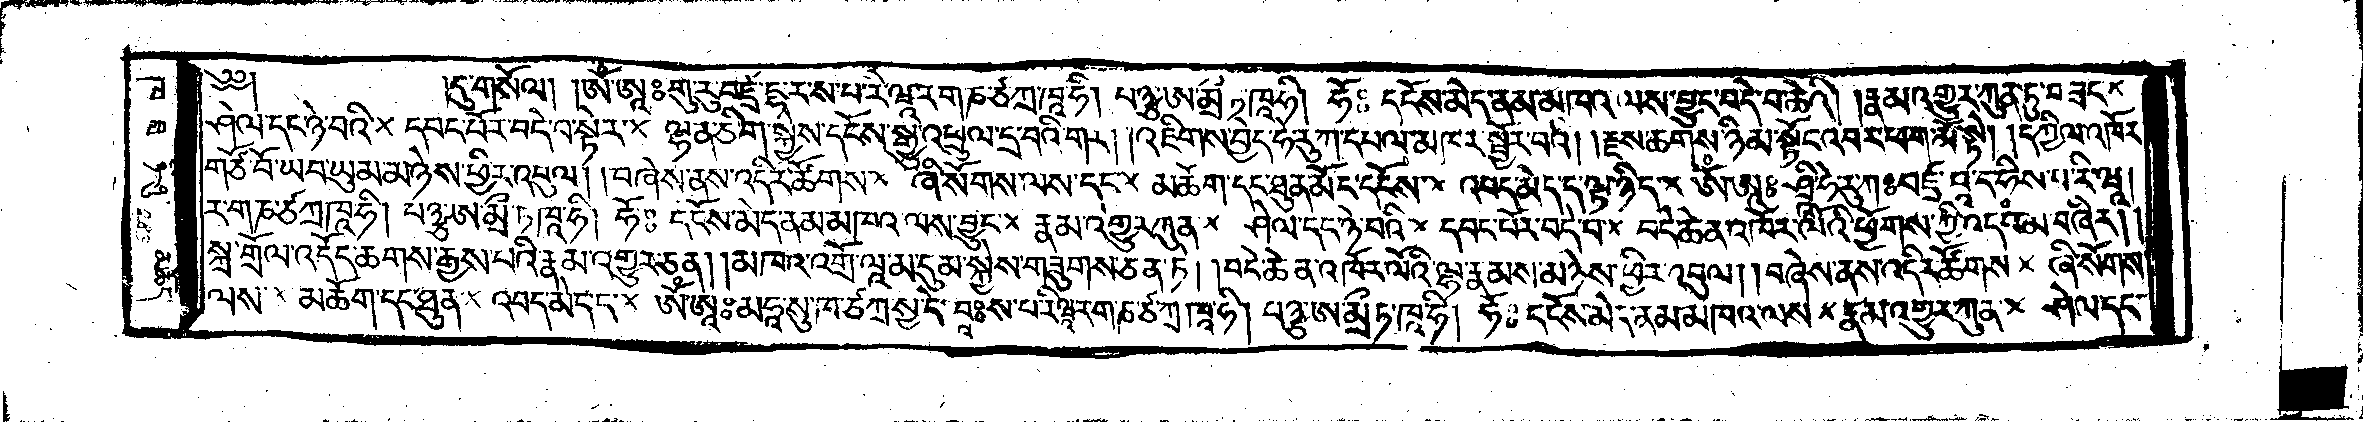༄༅། །དུ་གསོལ། །ཨོཾ་ཨཱཿ གུ་རུ་བཛྲ་དྷ་ར་ས་པ་རི་ཝཱ་རག་ཎ་ཙ་ཀྲ་ཁཱ་ཧི། པཉྩ་ཨ་མྲྀ་ཏ་ཁཱ་ཧི། ཧོཿ དངོས་མེད་ནམ་མཁའ་ལས་བྱུང་བདེ་བ་ཆེའི། །རྣམ་འགྱུར་ཀུན་ཏུ་བཟང྾་
ཤེལ་དང་ཉེ་བའི྾་དབང་པོར་བདེ་བ་སྟེར྾་ལྷན་ཅིག་སྐྱེས་དངོས་སྒྱུ་འཕྲུལ་དྲ་བའི་གར། །འཇིགས་བྱེད་ཧེ་རུ་ཀ་དཔལ་མཁར་སྦྱོར་བའི། །རྫས་ཆགས་ཉི་མ་སྟོང་འབར་ཕག་མོ་སྟེ། །དཀྱིལ་འཁོར་
གཙོ་བོ་ཡབ་ཡུམ་མཉེས་ཕྱིར་འབུལ། །བཞེས་ནས་འདིར་ཚོགས྾་ཞི་སོགས་ལས་དང྾་མཆོག་དང་ཐུན་མོང་དངོས྾་འབད་མེད་ད་ལྟ་ཉིད྾་ཨོཾ་ཨཱཿ ཤྲཱི་ཧེ་རུ་ཀཿ བཛྲ་བཱ་ད་ཧིས་པ་རི་ཝཱ།
ར་གཎ་ཙཀྲ་ཁཱ་ཧི། པཉྩ་ཨ་མྲྀ་ཏ་ཁཱ་ཧི། ཧོཿ དངོས་མེད་ནམ་མཁའ་ལས་བྱུང྾་རྣམ་འགྱུར་ཀུན྾་ཤེལ་དང་ཉེ་བའི྾་དབང་པོར་བདེ་བ྾་བདེ་ཆེན་འཁོར་ལོའི་ཕྱོགས་ཀྱི་འདབཱཾ་མ་བཞིར།།
སྐྲ་གྲོལ་འདོད་ཆགས་རྒྱས་པའི་རྣམ་འགྱུར་ཅན། །མཁའ་འགྲོ་ལཱ་མ་དུ་མ་སྐྱེས་གཟུགས་ཅན་ཏེ། །བདེ་ཆེན་འཁོར་ལོའི་ལྷ་རྣམས་མཉེས་ཕྱིར་འབུལ། །བཞེས་ནས་འདིར་ཚོགས྾་ཞི་སོགས་
ལས྾་མཆོག་དང་ཐུན྾་འབད་མེད་ད྾་ཨོཾ་ཨཱཿ མྷཱ་སུ་ཁ་ཙ་ཀྲ་སྱ་དེ་བཿ ས་པ་རི་ཝཱར་ག་ཎ་ཙ་ཀྲ་ཁཱ་ཧི། པཉྩ་ཨ་མྲྀ་ཏ་ཁཱ་ཧི། ཧོཿ དངོས་མེད་ནམ་མཁའ་ལས྾་རྣམ་འགྱུར་ཀུན྾་ཤེལ་དང་